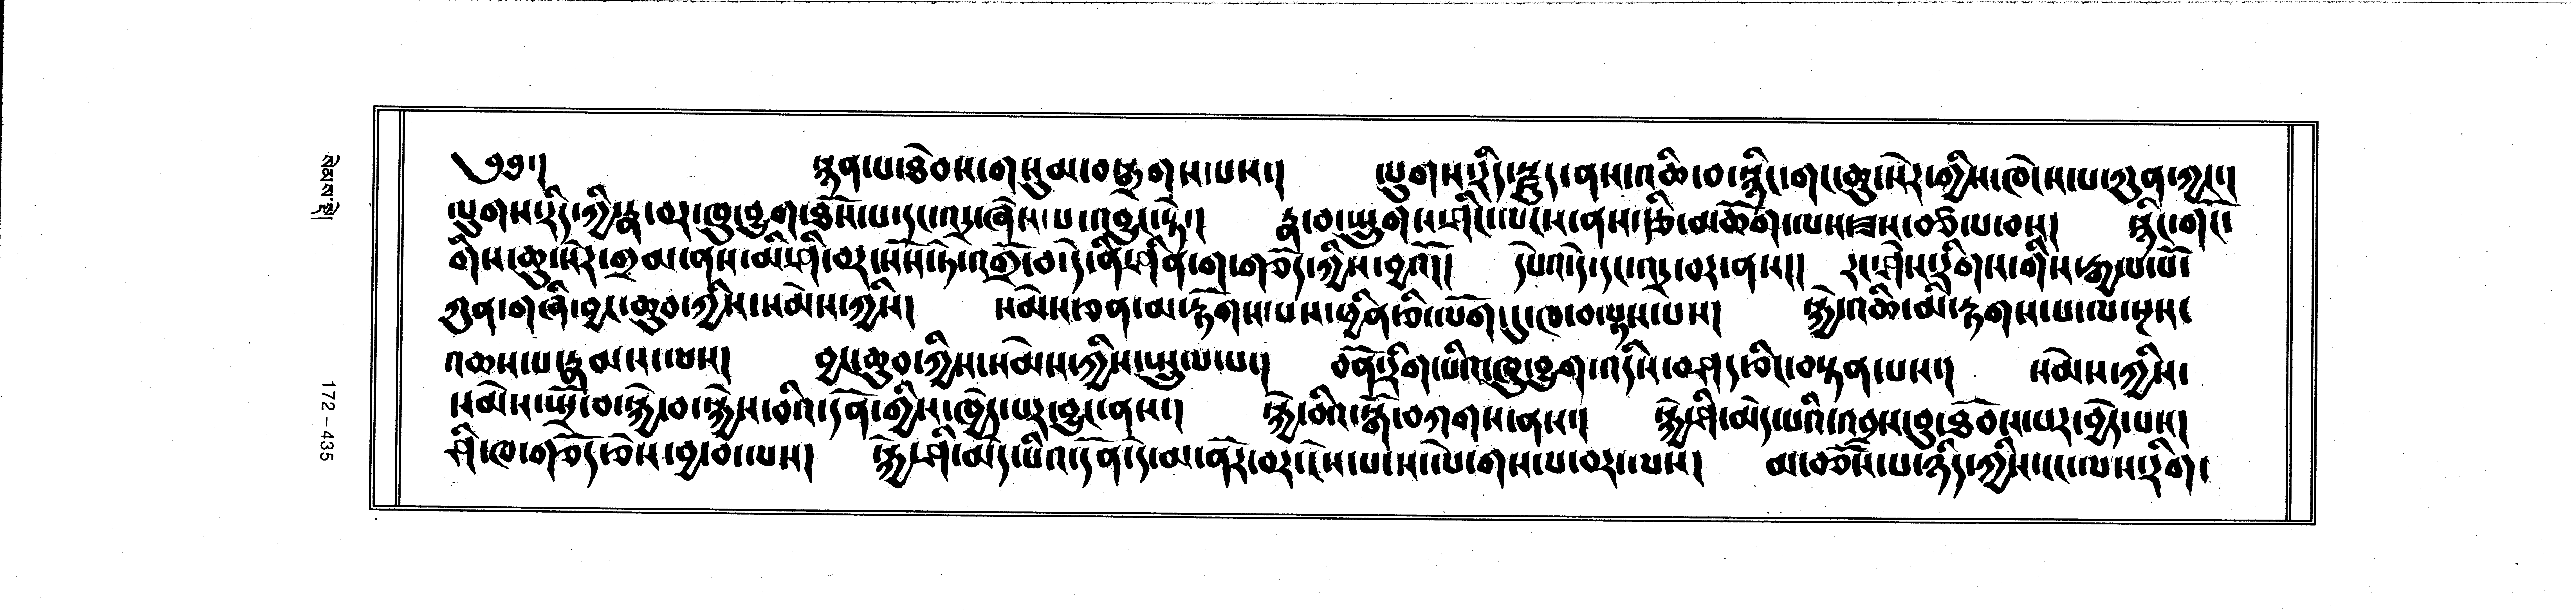སྙན་པ་ཐེབས་གསུམ་བསྒྲགས་པས། ལུག་རིད་རྫུད་ནས་འཆི་བ་སྙིང་གང་ཆུ་སེར་གྱིས་ཁེངས་པ་ཀུན་ཀྱང་། 
ལུག་རིད་ཀྱི་རྣ་བར་ཁུ་བྱུག་ཐོས་པ་དང་འདྲ་ཞེས་པ་འབྱུང་སྟེ། རྣ་བ་སྤྲུགས་ཤིང་ལངས་ནས་རྩི་མཆོག་ལས་ཟས་བཙལ་བས། སྙིང་གོང་
གིས་ཆུ་སེར་གྲམ་ནས་མི་ཤི་བར་སོས་ཏེ་འགྲོ་བ་དེ་ནི་ཤིན་ག་གཅོས་ཀྱིས་བྱའོ། དཔེའ་དེ་དང་འདྲ་བར་ནས། རང་ཤེས་རིགས་གིས་རྒྱས་པོ་
ཀུན་གཞི་བྱང་ཆུབ་ཀྱི་སེམས་ཀྱིས། སེམས་ཅན་མ་རྟོགས་པས་ཕྱིན་ཅི་ལོག་དུ་ཁ་བ་ལྟས་པས། སྐྱེ་འཆི་མི་རྟག་པ་ལ་སྔས་
འཆས་པ་རྣམས་ལས། བྱང་ཆུབ་ཀྱིས་སེམས་ཀྱི་སྤྲུལ་པ། བོན་རིག་པའི་ཁུ་བྱུག་འདིས་བཤད་ཅིང་བསྟན་པས། སེམས་ཀྱིས་
སེམས་སྤྲོ་བ་སྐྱེ་བ་སྐྱེས་བའི་དོན་གྱིས་ཁྱེད་པར་བྱུང་ནས། སྐྱེ་བའི་སྒོ་བཀགས་ནས། སྐྱེ་ཤི་མེད་པའི་འབྲས་བུ་འཐོབ་པར་བྱེད་པས། 
ཤི་ཁ་གཅོད་ཅེས་བྱ་བ་ལས། སྐྱེ་ཤི་མེད་པའི་དོན་དེ་མ་ནོར་བར་ངེས་པ་ས་ལེ་གསལ་བར་ལས། མ་བཅོས་པ་ཉིད་ཀྱིས་ངང་ལས་རིག་